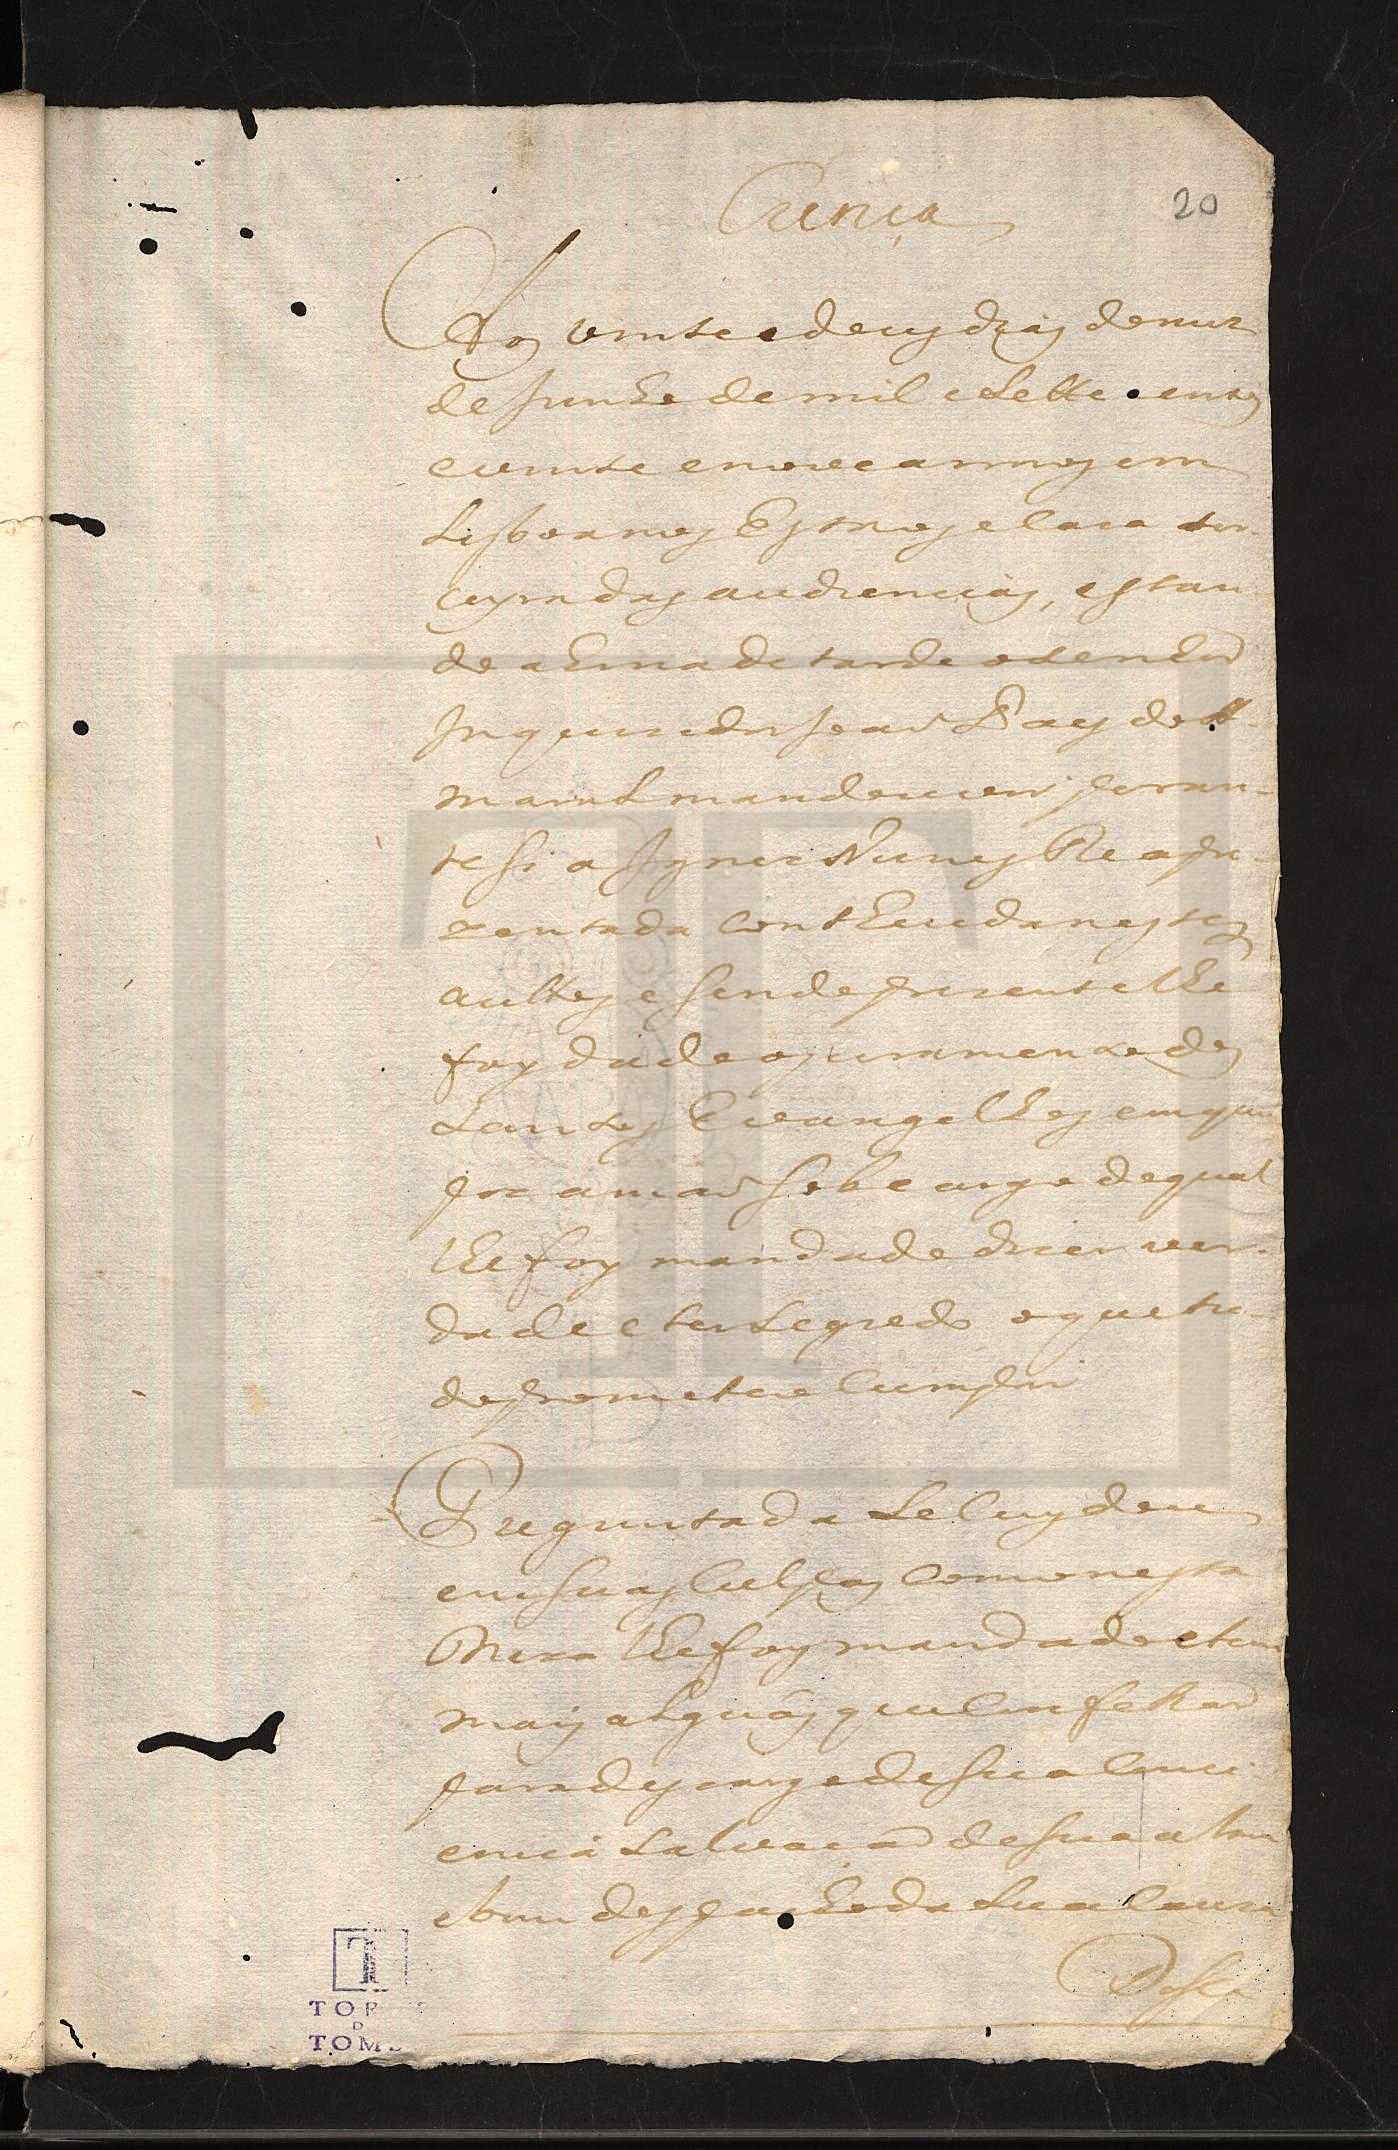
Crença
Aos vinte e dous dias do mez
de Junho de mil e Settecentos
e vinte e nove annos em
Lisboa nos Estaos e caza ter
ceyra das audiencias, estan
do ahi na de tarde o senhor
Jnquizidor Joaõ Paes do A
maraL mandou vir peran
te si a Jgnez Nunes Re apre
zentada contheuda nestes
auttos e sendo prezente lhe
foy dado o juramento dos
santos Evangelhos em que
poz a maõ sob cargo do qual
lhe foy mandado dizer ver
dade e ter segredo o que tu
do prometeo cumpri
Preguntada se cuydou
em suas Culpas como nesta
Meza lhe foy mandado e tem
mais alguās que confessar
para descargo de sua conci
encia salvaçaõ de sua alma
e bom despacho de sua cauza
Disse
